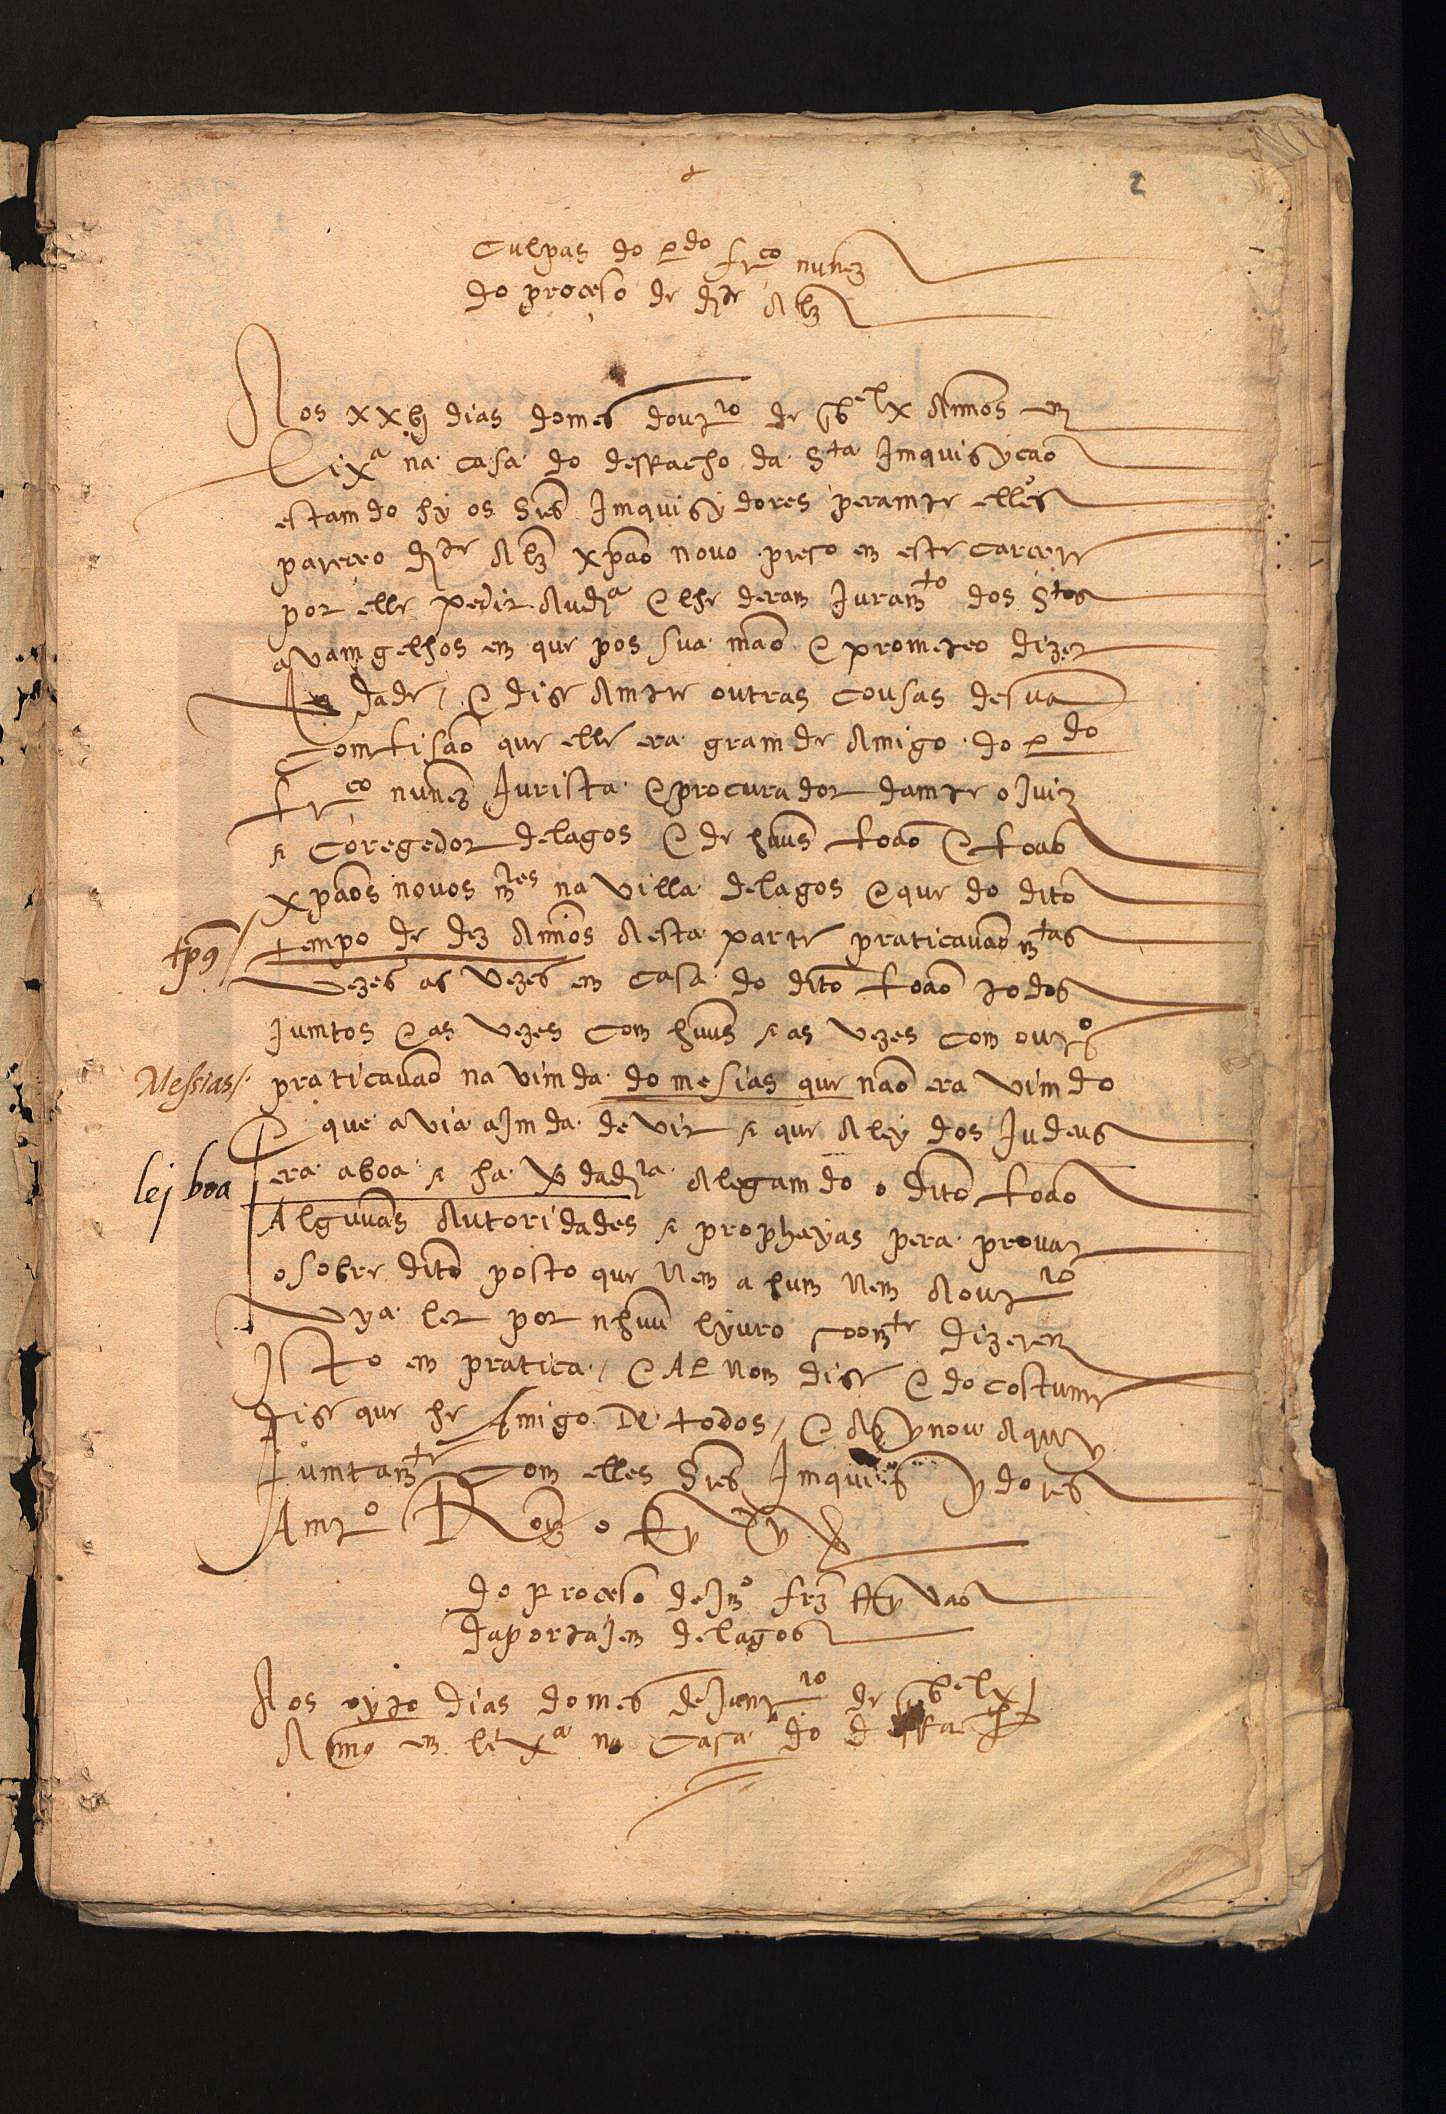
Culpas do Ldo frco nun̅ez
do proçeso de d̅te Al̅z
Aos xxbj dias do mes doutro de j̄bclx An̅nos em
Lixa na casa do despacho da Sta Jmquisyçaõ
estamdo hy os Sr̅s Jmquisydores peramte elles
pareçeo d̅te Al̅z xp̅ao nouo preso em este carçere
por elle pedir Aud̅a e lhe deram Juramto dos Stos
avamgelhos em que pos sua mão e prometeo dizer
ꝟdade, e dise Amtre outras cousas de sua
Comfisão que elle era gramde Amigo do Ldo
frco nun̅ez Jurista e procurador damte o Juiz
e Coregedor de lagos e de hu̅us foão e foão
xpa̅os nouos mres na villa de lagos e que do dito
tempo de dez Ann̅os A esta parte praticauão mtas
vezes as vezes em casa do dito foão todos
jumtos e as vezes com hu̅us e as vezes com outros
praticauão na vimda do mesias que não era vimdo
e que avia ajnda de vir e que A ley dos Judeus
era a boa e ha ꝟdad̅ra Alegamdo o di̅to foão
Alguu̅as Autoridades e prophecyas pera prouar
o soberdi̅to posto que nem a hum nem A outro
vya ler por nhu̅u lyuro soomte dizerem
Jsto em pratica ./ e Al nom dise e do costume
dise que he Amigo De todos / e Asynou Aquy
Jumtamte com elles Sr̅es Jmquisydores
Amto Ro̅iz o stp̄vy…
do proçeso do jmo frz̅ stp̄vão
da portajem de lagos
Aos oyto dias do mes de Janro de j̄bc lxj
An̅no em lixa na Casa do despacho
